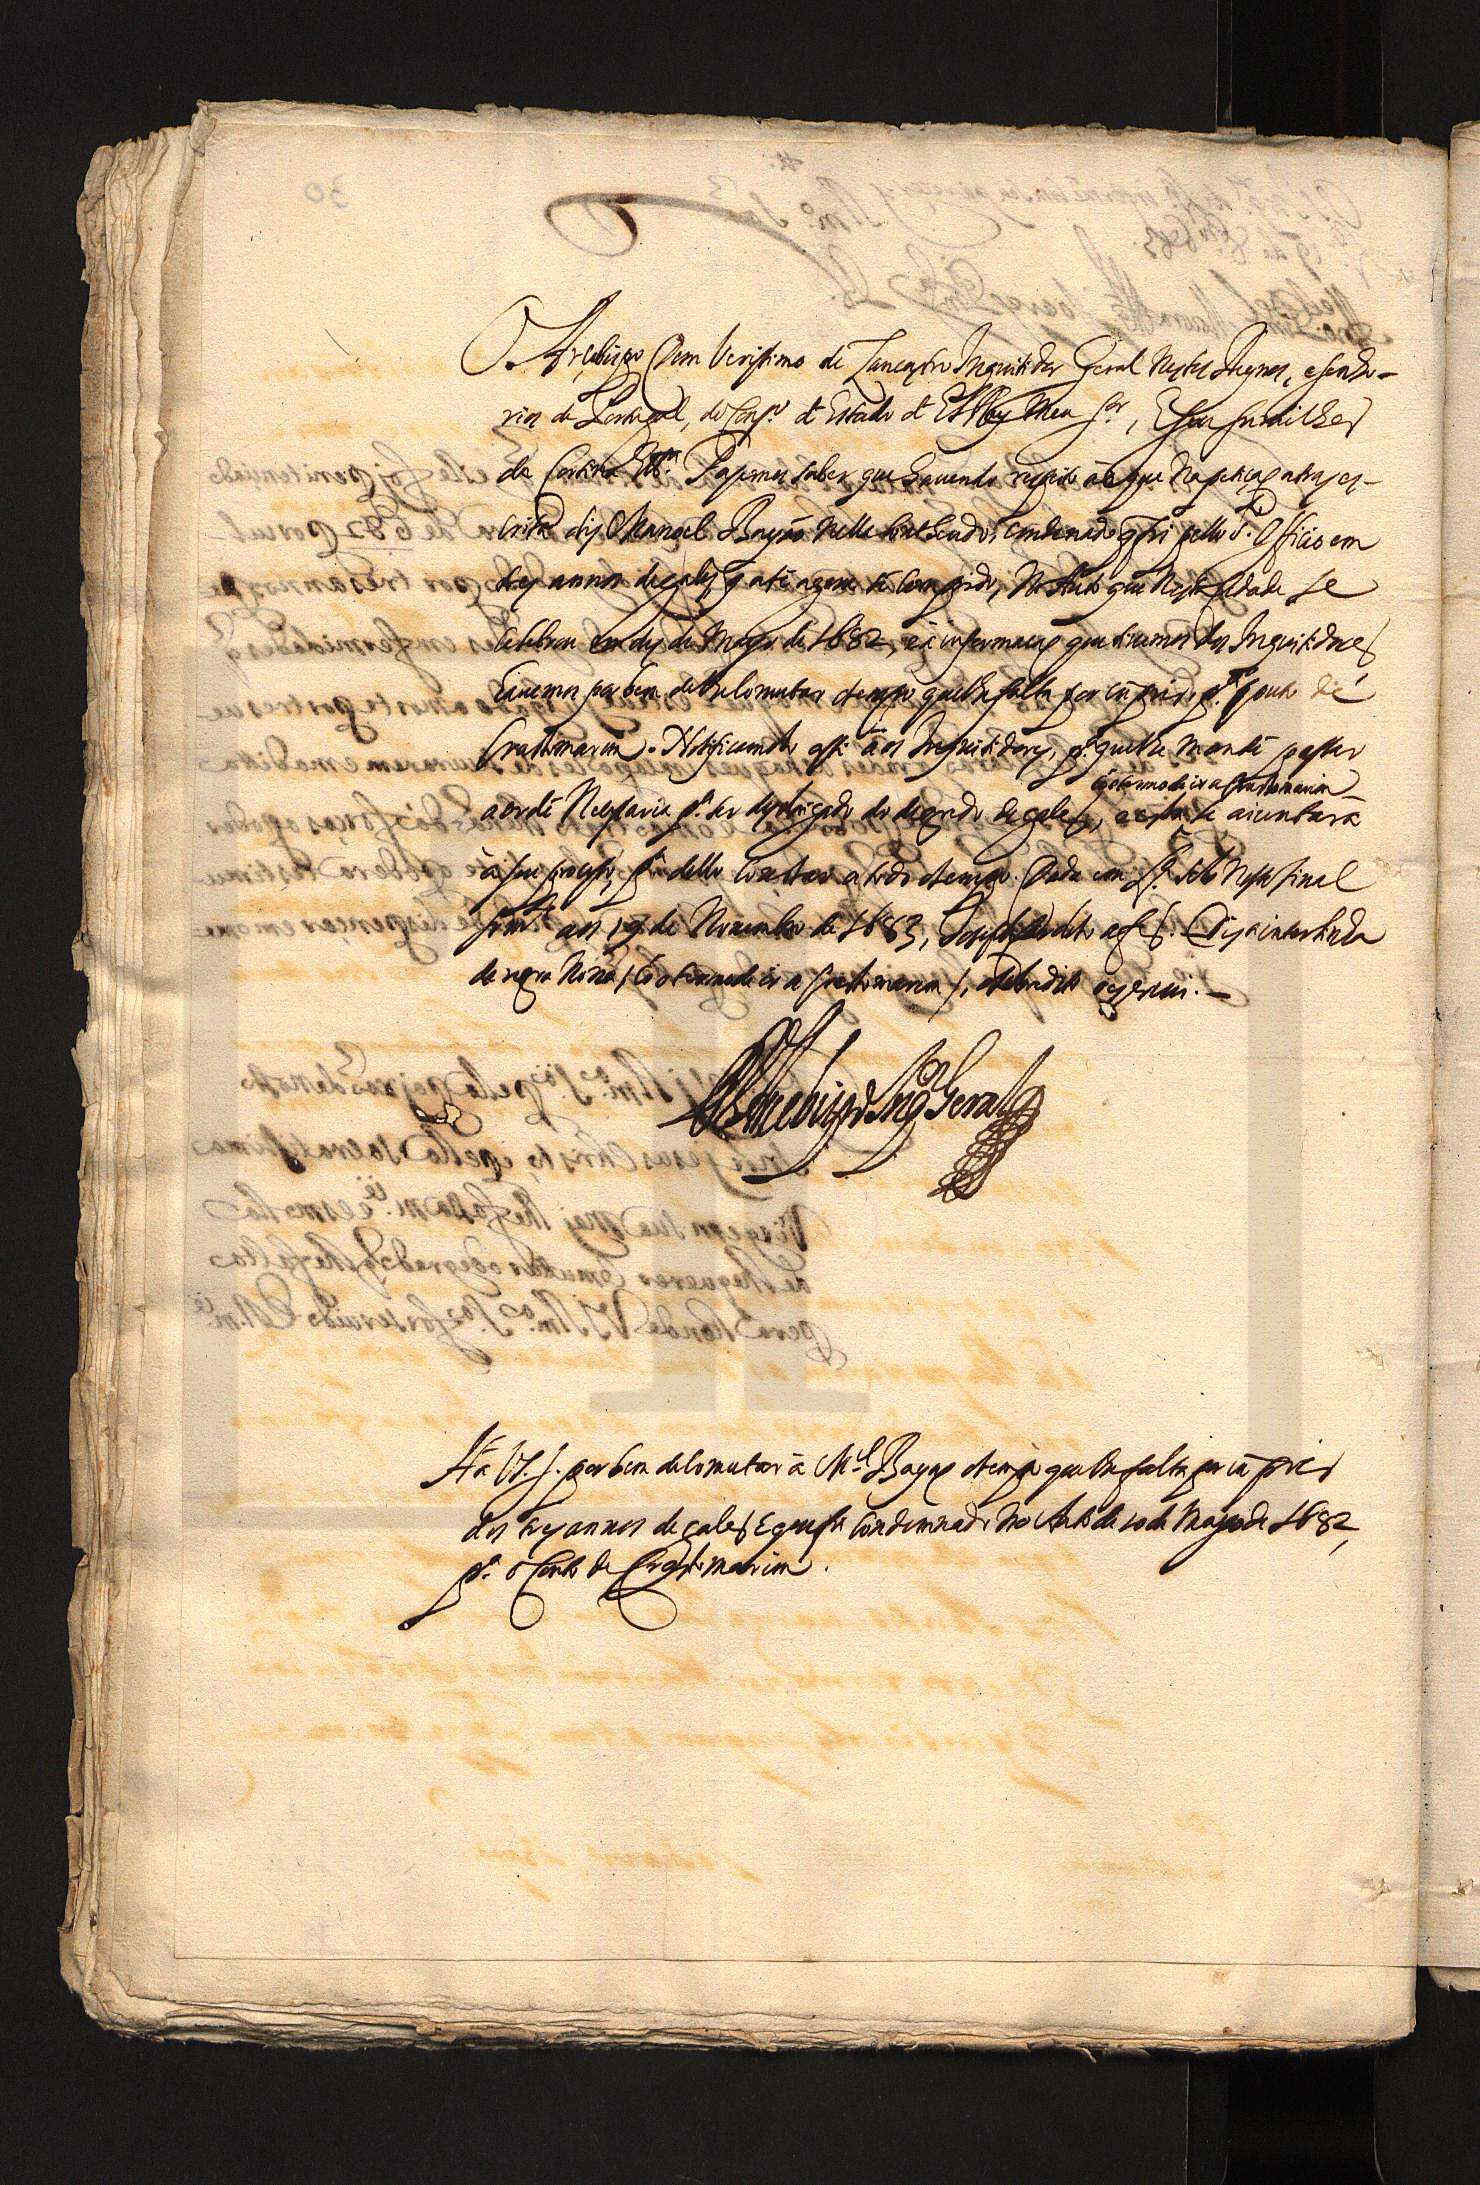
O Arcebispo Dom Verissimo de Lancastro Inquisidor Geral nestes Reynos, e senho
rios de Portugal, do Cons.o de Estado de El Rey meu s.or, E seu sumilher
de Cortina Ett.a Fazemos saber que hauendo respeito ao que na petiçaꝭ atras es
crita dis Manoel Bayaõ nelle contheudo, condenado q̄ foi pello s.to Officio em
trez annos de gales, q̄ ate agora tē comprido, no Auto que nesta Cidade se
celebrou em dez de Mayo de 1682, e a informaçaꝭ que tiuemos dos Inquisidores
hauemos por bem de lhe comutar tempo que lhe falta por cūprir, p.a Couto de
Crasto marim. Notificando assi aos Inquisidores, p.a que lhe mandē passar
cō o termo de ir a Castro marim
a ordē Necesaria p.a ser desobrigado do degredo de gales, e esta se aiuntara
a seu processo, p.a dello constar a todo o tempo. Dada em Lx.a sob nosso sinal
som.te aos 19 de Nouembro de 1683, Ioseph Cardoso a fes. Dis a interlinha
de regra nona / cō o termo de ir a Crasto marim /, o sobredito o escreui.
O Arcebispo Inqor Geral
Há VS. J. por bem de comutar a M.el Bayaꝭ o tempo que lhe falta por cūprir
dos tres annos de gales E que foi condemnado no Auto de 10 de Mayo de 1682,
p.a o Couto de Crasto marim.
